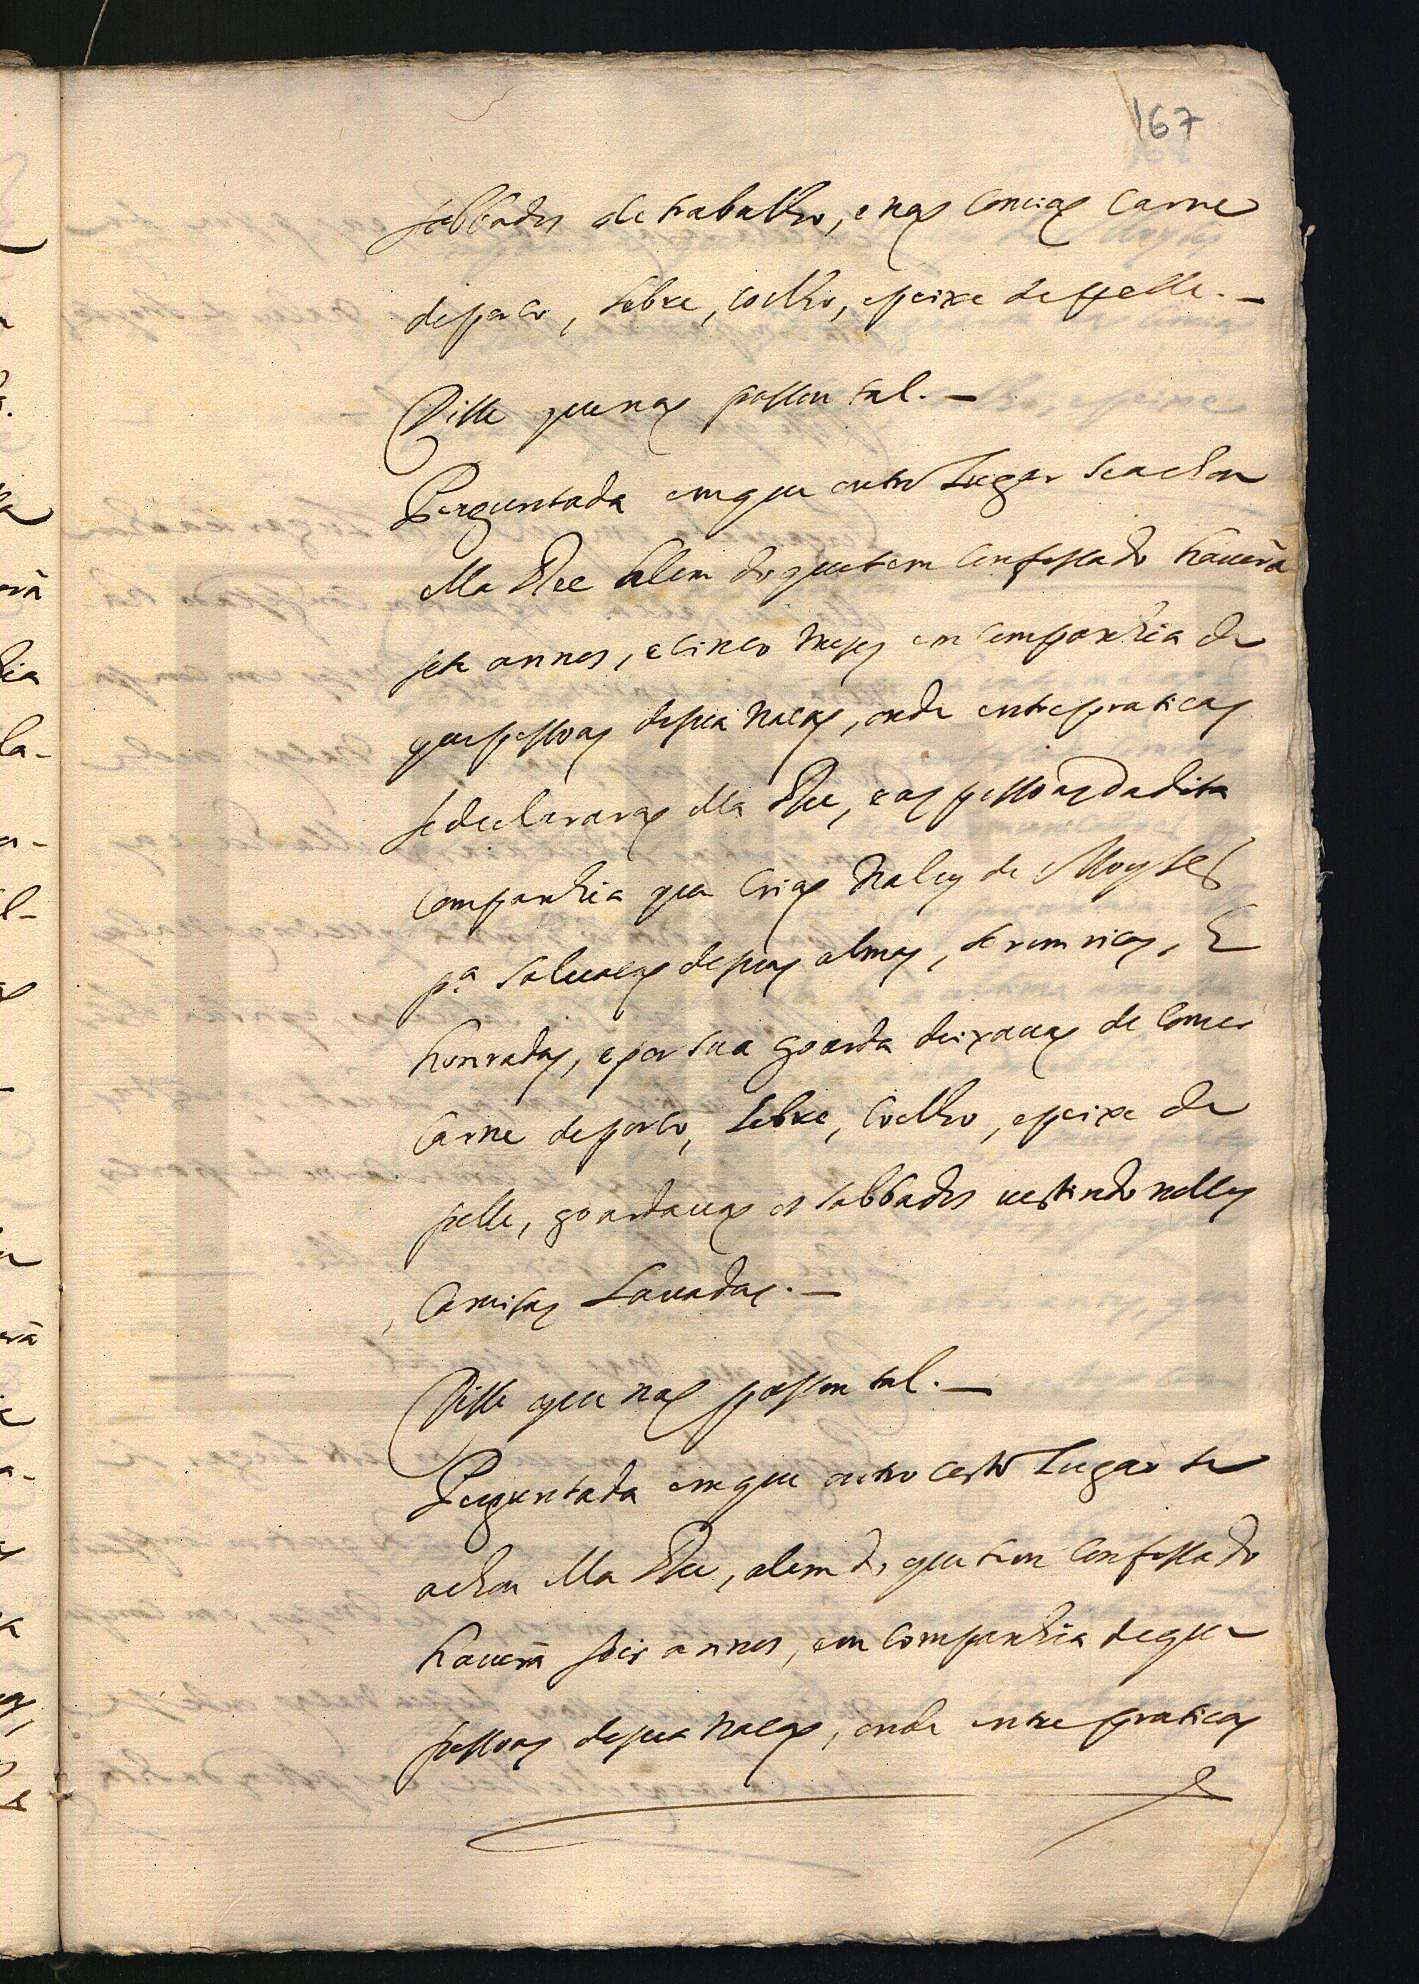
sabbados de trabalho, e naꝭ comiaꝭ carne
de porco, lebre, coelho, e peixe de pelle
Disse que naꝭ passou tal. -
Perguntada em que outro Lugar se achou
ella Ree alem do que tem confessado hauerà
sete annos, e cinco mezes, em companhia de
que pessoas de sua nacaꝭ, onde entre praticas
se declararaꝭ ella Ree, e as pessoas da dita
companhia que criaꝭ Na ley de Moyzes
p.a saluacaꝭ de suas almas, e serem ricas, E
honradas, e por sua goarda deixauaꝭ de comer
Carne de porco, lebre, Coelho, e peixe de
pelle, goardauaꝭ os sabbados uestindo nelles
Camizas Lauadas.
Disse que naꝭ passou tal. —
Perguntada em que outro certo Lugar se
achou ella Ree, alem do que tem confessado
hauerà seis annos, em companhia de que
pessoas de sua nacaꝭ, onde entre praticas
